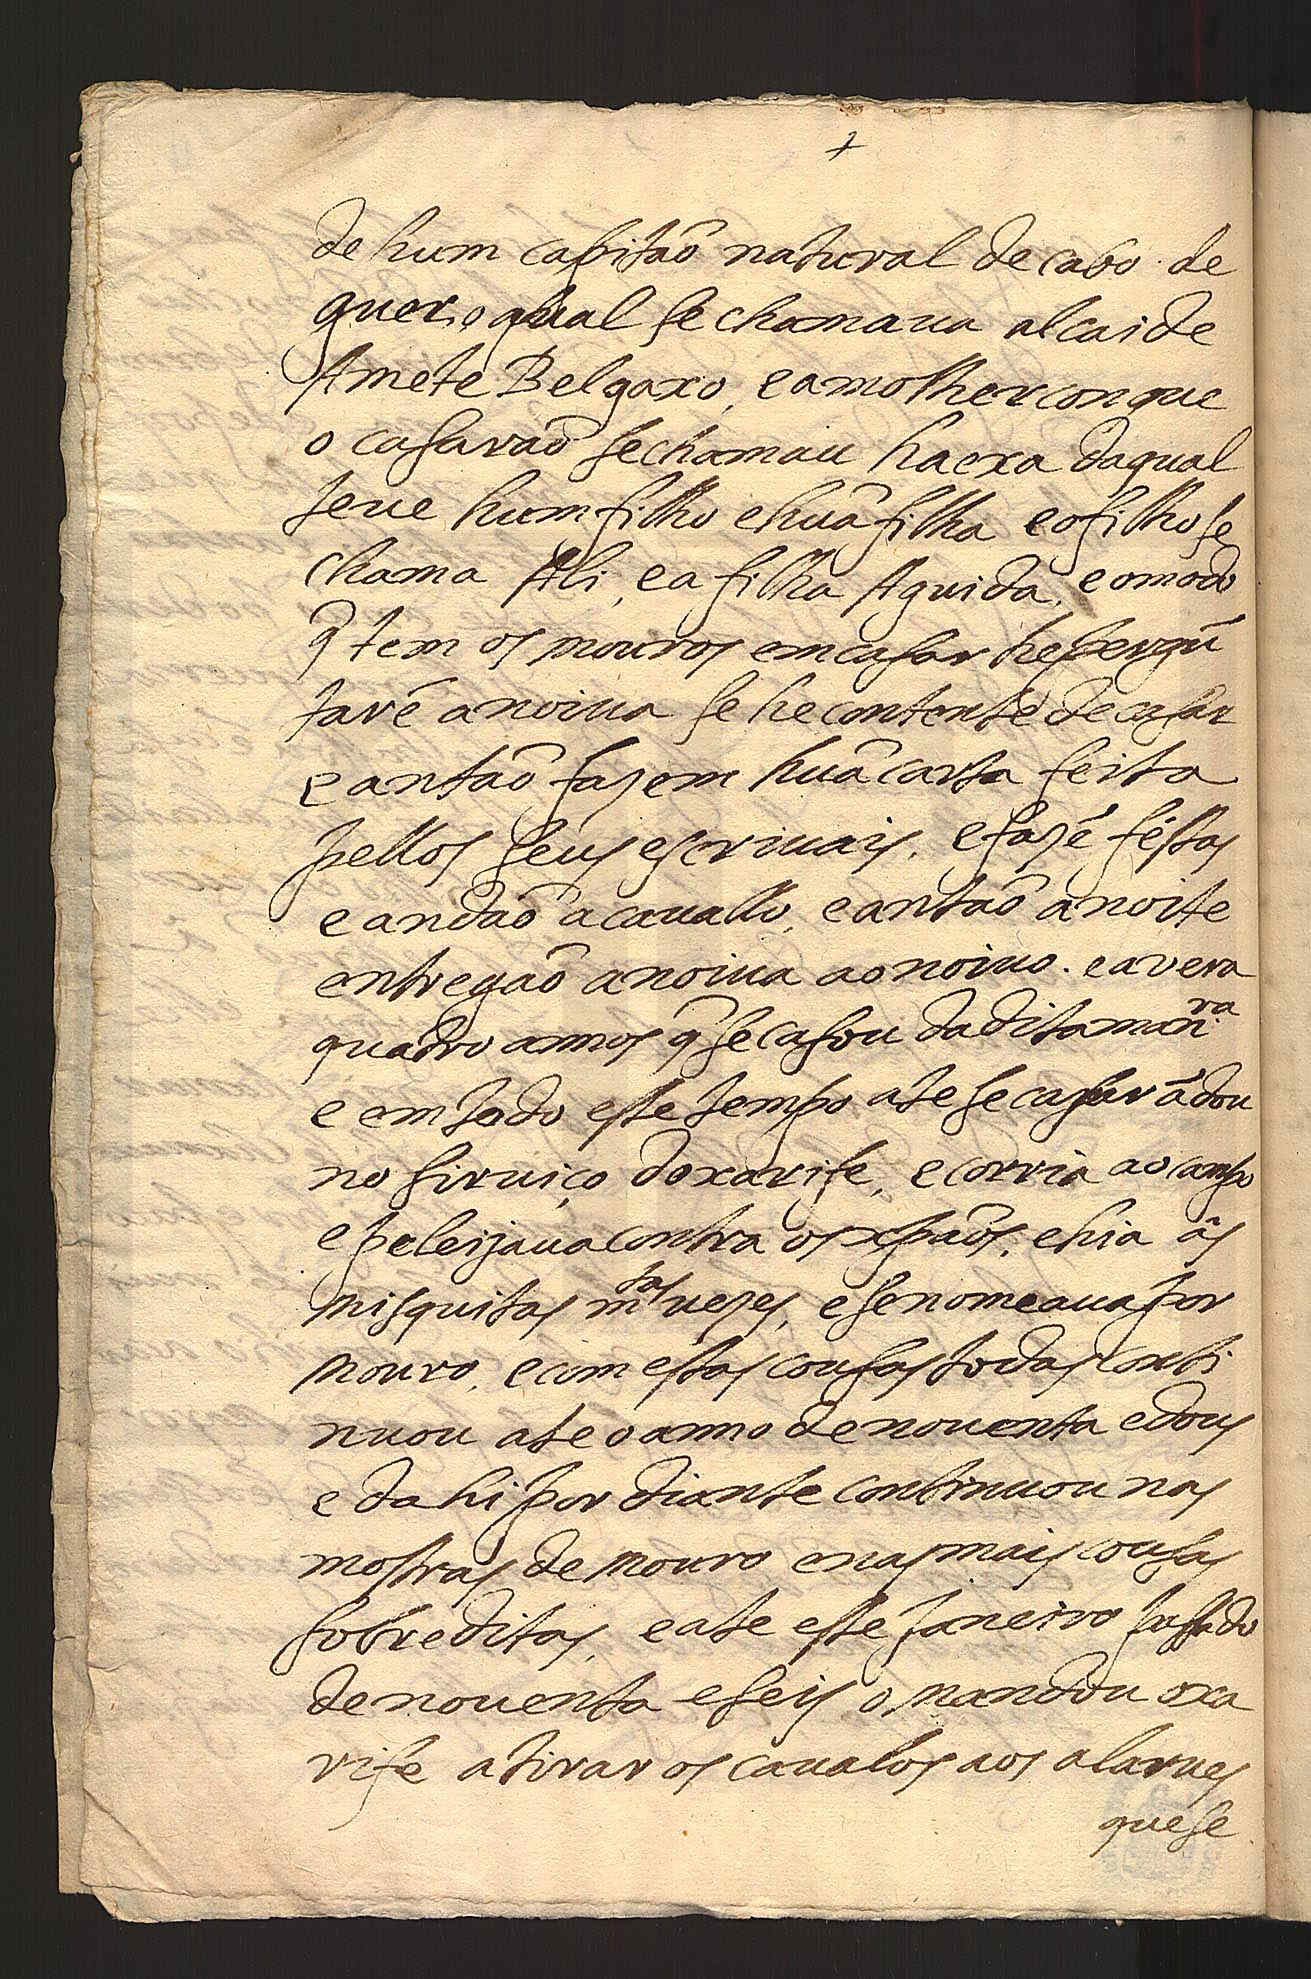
de hum capitaõ natural de cabo de
guer o qual se chamaua alcaide
Amete Belgaxo. E a molher con que
o casaraõ se chamou haexa da qual
teue hum filho e huā filha e o filho se
chama Ali, e a filha Aguida, e o modo
q̄ tem os mouros em casar he pergū
tarē a noiua se he contente de casar
E antaõ fazem huā carta feita
pellos seus escriuais, e fazē festas
e andaõ a cauallo, e antaõ a noite
entregaõ a noiua ao noiuo. e avera
quatro annos q̄ se casou da dita man.ra
e em todo este tempo ate se casar ādou
no siruiço do xarife, e corria ao campo
e peleijaua contra os xpaõs, e hia âs
misquitas mtas uezes, e se nomeaua por
mouro, e com estas cousas todas conti
nuou ate o anno de nouenta e dous
e dahi por diante continuou nas
mostras de mouro e nas mais cousas
sobreditas, e ate este Janeiro passado
de nouenta e seis o mandou o xa
rife a tirar os caualos aos alarues
que se
